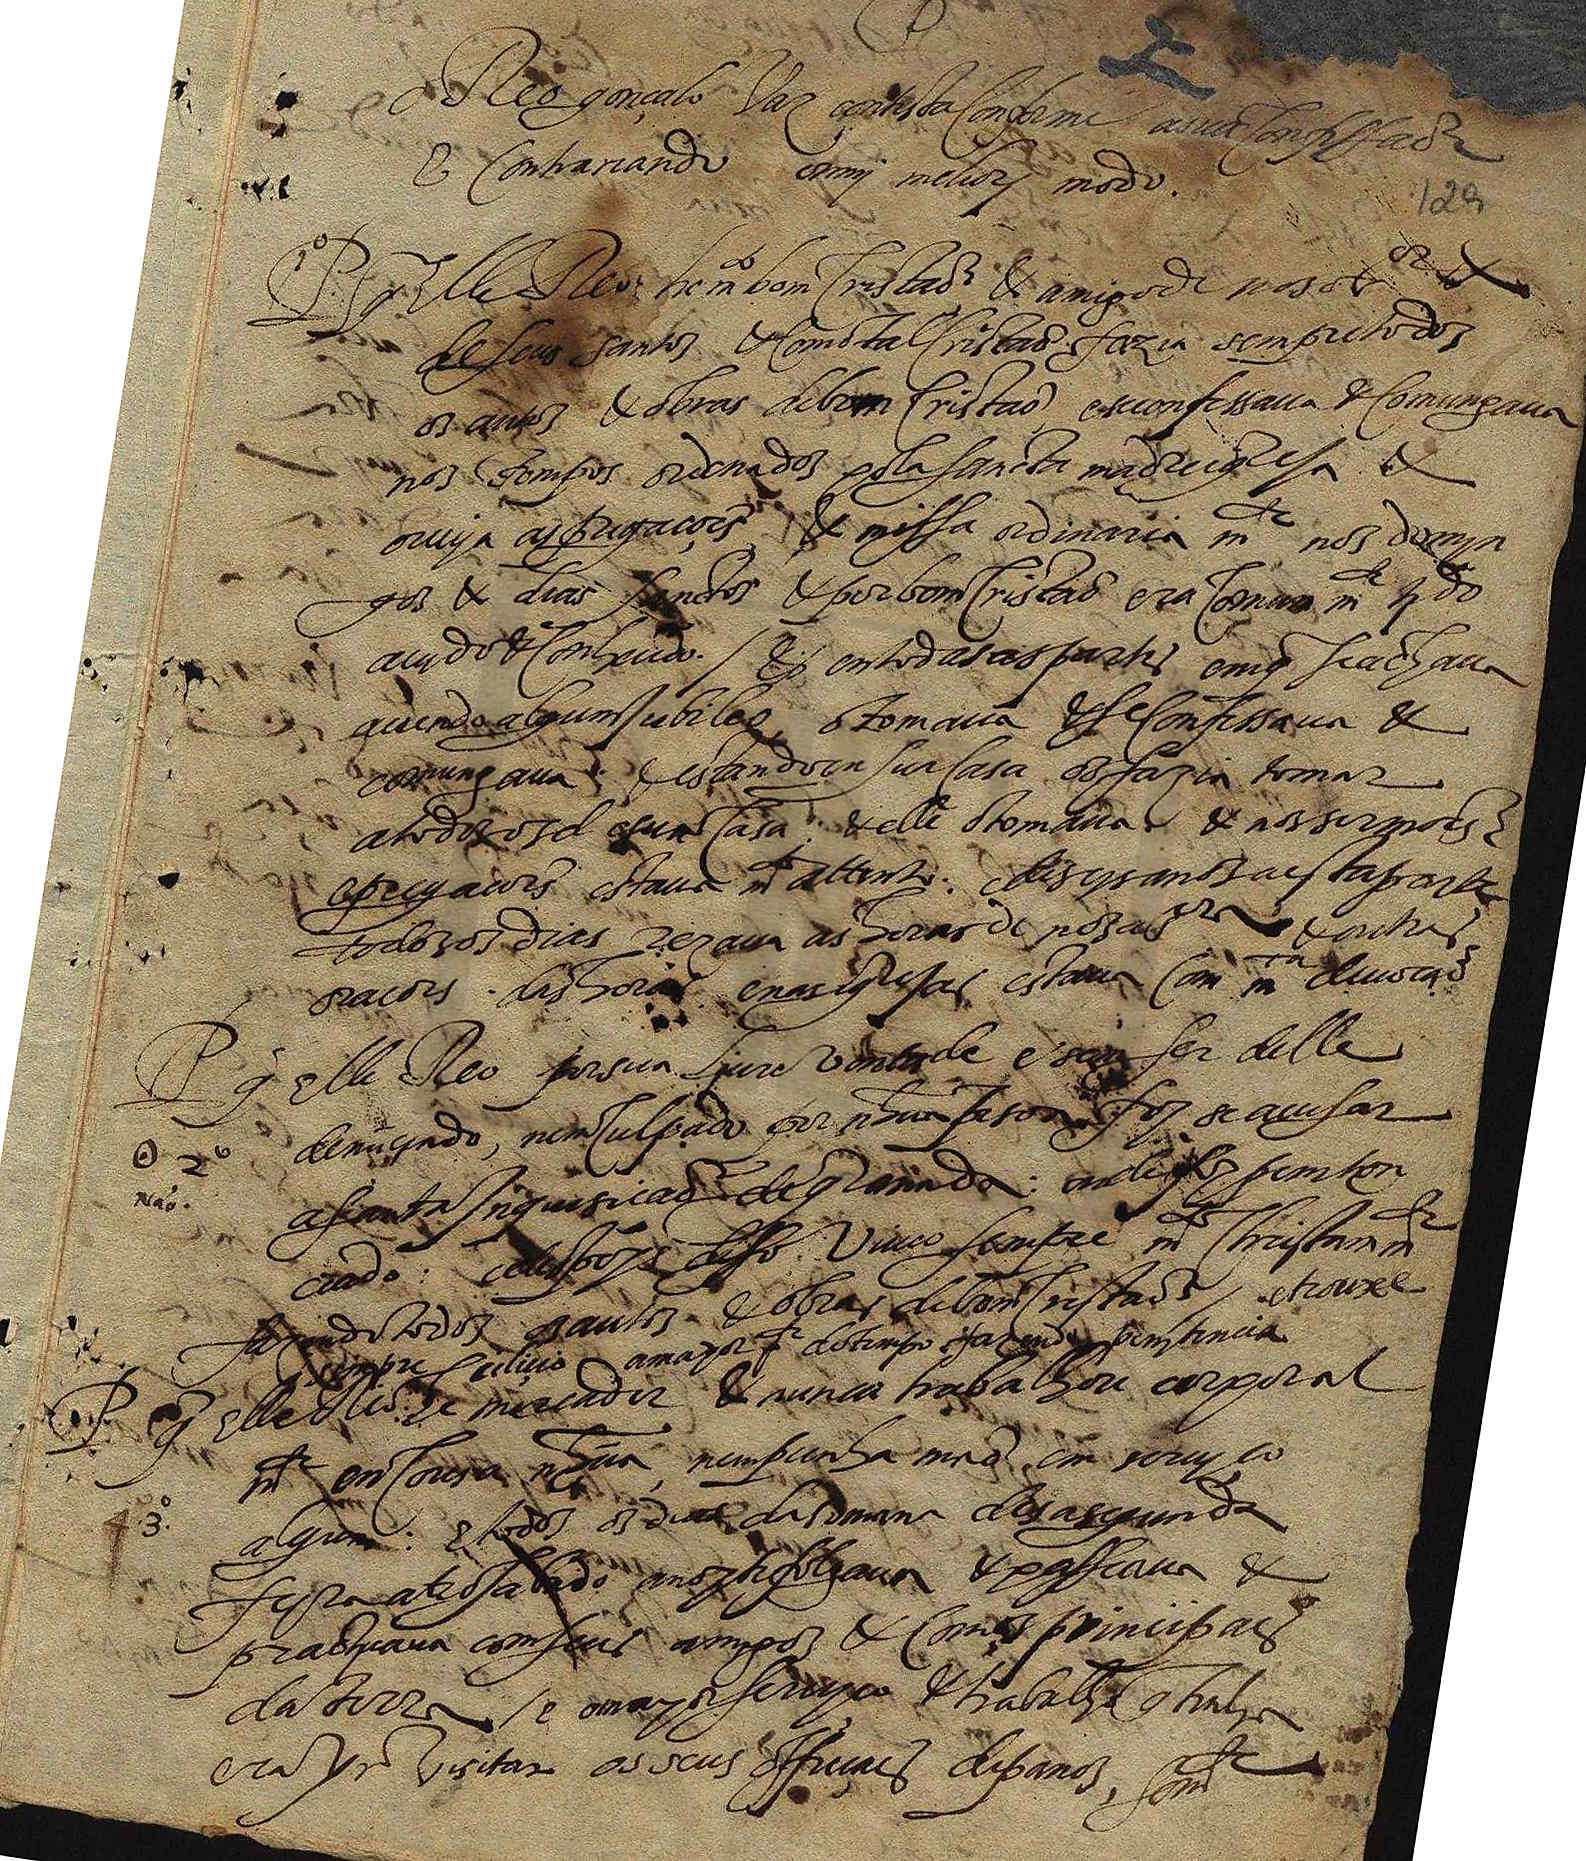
o Reo gonçalo Vaz contesta Conforme a sua Confissaõ
E Contrariando, omnj meliorj modo.
P q̄ Elle Reo he mto bom Cristaõ & amigo de noso sor &
de seus santos, & Como tal Cristaõ fazia sempre todos
os autos & obras de bom Cristaõ, e se confessaua & Comungaua
nos tempos ordenados pela sancta madre igreja &
ouuja as pregaçoẽs & missa ordinariamte nos domjn
gos & dias sanctos & por bom Cristaõ era Comummte tjdo
auido & Conhecido / & em todas as partes em q̄ se achaua
auendo algum Jubileo o tomaua & se Confessaua &
comungaua. & estando en sua Casa os fazia tomar
a todos os de sua Casa & elle o tomaua. & nos sermoẽs
e pregaçoĩs estaua mto attento: e de seis anos a esta parte
todos os dias rezaua as horas de nosa sra, & outras
oraçois das horas e nas igrejas estaua Com mta deuoçaõ
P q̄ Elle Reo por sua liure vontade e sem ser delle
O 2o
Naõ.
denūcjado, nem Culpado por nhuā pesoa foj se acusar
a santa Jnquisiçaõ de granada: onde foi peniten
ciado: e despojs disso Viueo sempre mto Christammte
fazendo todos autos & obras de bom Cristaõ/ e trouxe
sempre cilicio a mayor pte do tempo fazendo penjtencia
P q̄ Elle Reo he mercador & nunca trabalhou corporal
mte en Cousa nhūa, nem punha maõ em serujço
3o
algum: E todos os dias da somana des a segunda
fejra ate o sabado a nojte folgaua & passeaua &
practjcaua com seus amigos & Com os principaes
da terra / e o mayor serujço & trabalho q̄ tinha
era yr visitar os seus officiaes de panos, somte
